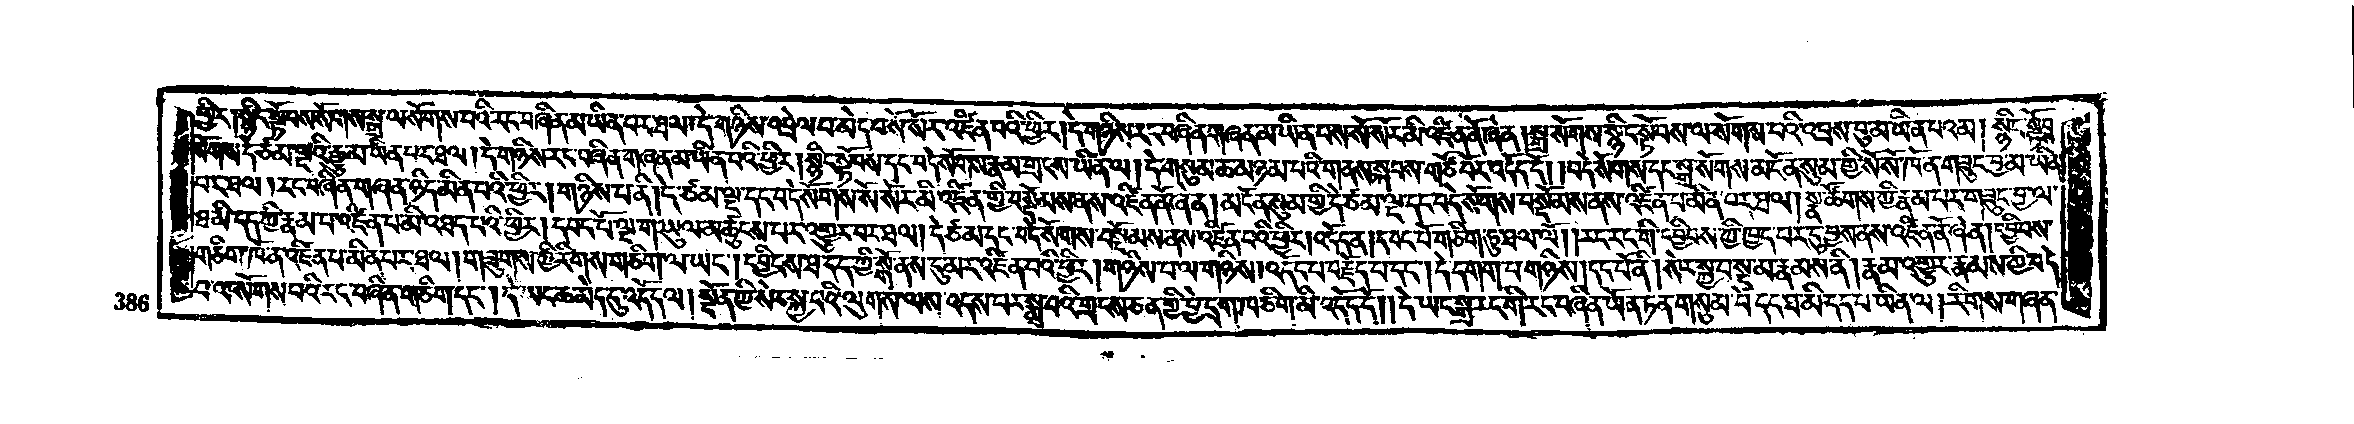ཕྱིར། སྙིང་སྟོབས་སོགས་སྒྲ་ལ་སོགས་པའི་རང་བཞིན་མ་ཡིན་པར་ཐལ། དེ་གཉིས་འབྲེལ་བ་མེད་པ་སོ་སོར་འཛིན་པའི་ཕྱིར་དེ་གཉིས་རང་བཞིན་གཞན་མ་ཡིན་པས་སོ་སོར་མི་འཛིན་ནོ་ཞེ་ན། སྒྲ་སོགས་སྙིང་སྟོབས་ལ་སོགས་པའི་འབྲས་བུ་མ་ཡིན་པའམ། སྙིང་སྟོབས་
སོགས་དེ་ཙམ་ལྔའི་རྒྱུ་མ་ཡིན་པར་ཐལ། དེ་གཉིས་རང་བཞིན་གཞན་མ་ཡིན་པའི་ཕྱིར། སྙིང་སྟོབས་དང་བདེ་སོགས་རྣམ་གྲངས་ཡིན་ལ། དེ་གསུམ་ཆ་མཉམ་པའི་གནས་སྐབས་གཙོ་བོར་འདོད་དོ། །བདེ་སོགས་དང་སྒྲ་སོགས་མངོན་སུམ་གྱི་སོ་སོ་ཁོ་ན་གཟུང་བྱ་མ་ཡིན་
བར་ཐལ། རང་བཞིན་གཞན་ཉིད་མིན་པའི་ཕྱིར། གཉིས་པ་ནི། དེ་ཙམ་ལྔ་དང་བདེ་སོགས་སོ་སོར་མི་འཛིན་གྱི་བསྡོམས་ནས་འཛིན་ནོ་ཞེ་ན། མངོན་སུམ་གྱི་དེ་ཙམ་ལྔ་དང་བདེ་སོགས་བསྡོམས་ནས་འཛིན་པ་མིན་པར་ཐལ། སྣ་ཚོགས་ཀྱི་རྣམ་པར་གཟུང་བྱ་ལ་
ཐ་མི་དད་ཀྱི་རྣམ་པ་འཛིན་པ་མི་འཐད་པའི་ཕྱིར། དབང་པོ་ལྔ་གཡུལ་མཚུངས་པར་འགྱུར་པར་ཐལ། དེ་ཙམ་དང་བདེ་སོགས་བསྡོམས་ནས་འཛིན་པའི་ཕྱིར། འདོད་ན། དབང་པོ་གཅིག་ཏུ་ཐལ་ལོ། །རང་རང་གི་དབྱིབས་ཀྱི་ཁྱད་པར་དུ་བྱས་ནས་འཛིན་ནོ་ཞེ་ན། དབྱིབས་
གཅིག་ཁོ་ན་འཛིན་པ་མིན་པར་ཐལ། གཟུགས་ཀྱི་རིགས་གཅིག་ལ་ཡང་། དབྱིངས་ཐ་དད་ཀྱི་སྒོ་ནས་དུ་མར་འཛིན་པའི་ཕྱིར། གཉིས་པ་ལ་གཉིས། འདོད་པ་བརྗོད་པ་དང་། དེ་དགག་པ་གཉིས། དང་པོ་ནི། སེར་སྐྱ་བསྡམ་རྣམས་ནི། རྣམ་འགྱུར་རྣམས་ཀྱི་བདེ་
བ་ལ་སོགས་པའི་རང་བཞིན་གཅིག་དང་། དེ་ཡང་ཆ་མེད་དུ་འདོད་ལ། སྔོན་ཀྱི་སེར་སྐྱ་བའི་ལུགས་ལས་འདས་པར་སྨྲ་བའི་གྲངས་ཅན་གྱི་བྱེ་དྲག་ཁ་ཅིག་མི་འདོད་དོ། །དེ་ཡང་སྒྲ་རང་གི་རང་བཞིན་ཡོན་ཏན་གསུམ་པོ་དང་ཐ་མི་དད་པ་ཡིན་ལ། རིགས་གཞན་